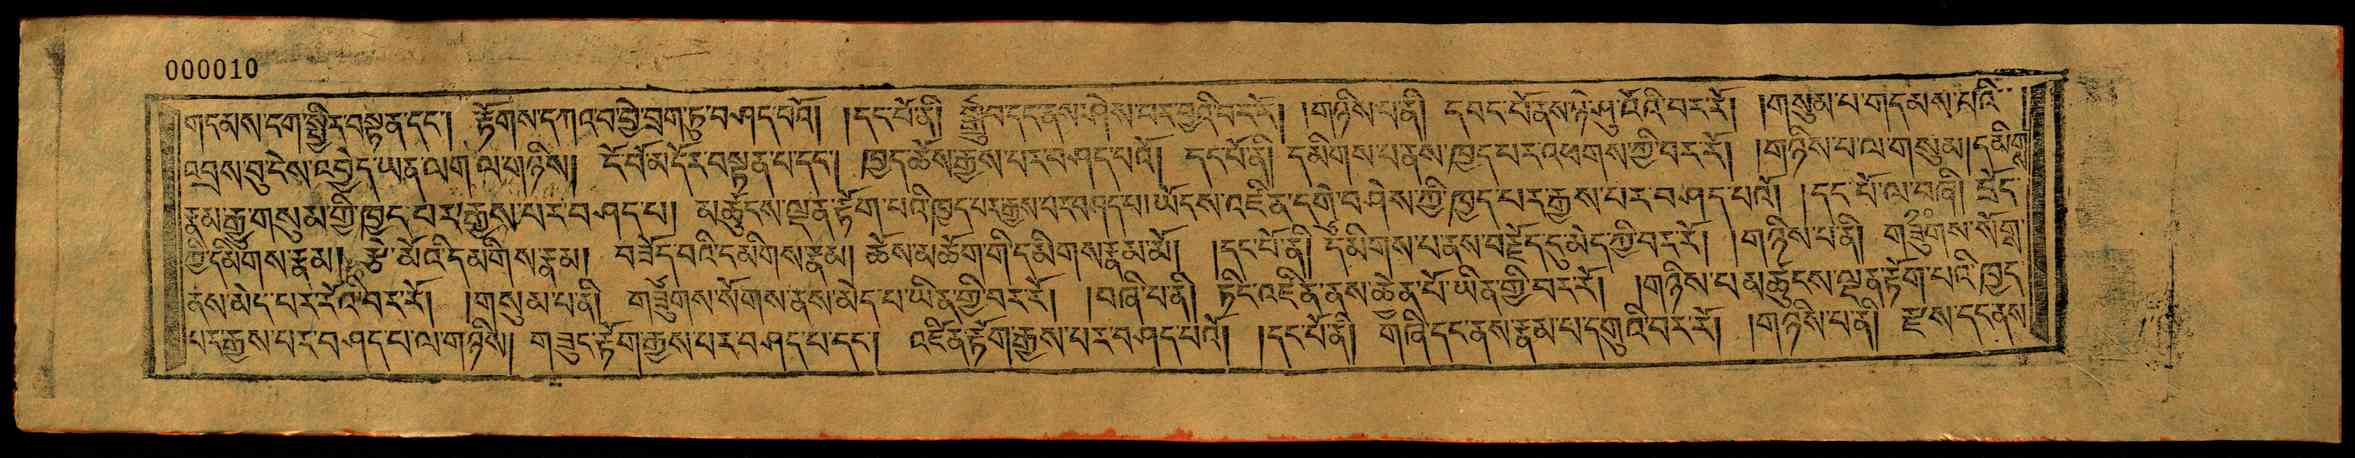གདམས་ངག་སྤྱིར་བསྟན་དང་། རྟོགས་དཀའ་བ་བྱེ་བྲག་ཏུ་བཤད་པའོ། །དང་པོ་ནི། སྒྲུབ་དང་ནས་ཤེས་པར་བྱའི་བར་རོ། །གཉིས་པ་ནི། དབང་པོ་ནས་ཉི་ཤུ་འོའི་བར་རོ། །གསུམ་པ་གདམས་པའི་
འབྲས་བུ་ངེས་འབྱེད་ཡན་ལག་ལ་གཉིས། ངོ་བོ་མདོར་བསྟན་པ་དང་། ཁྱད་ཆོས་རྒྱས་པར་བཤད་པའོ། །དང་པོ་ནི། དམིགས་པ་ནས་ཁྱད་པར་འཕགས་ཀྱི་བར་རོ། །གཉིས་པ་ལ་གསུམ། དམིག་
རྣམ་རྒྱུ་གསུམ་གྱི་ཁྱད་པར་རྒྱས་པར་བཤད་པ། མཚུངས་ལྡན་རྟོག་པའི་ཁྱད་པར་རྒྱས་པར་བཤད་པ། ཡོངས་འཛིན་དགེ་བཤེས་ཀྱི་ཁྱད་པར་རྒྱས་པར་བཤད་པའོ། །དང་པོ་ལ་བཞི། དྲོད་
ཀྱི་དམིགས་རྣམ། རྩེ་མོའི་དམིགས་རྣམ། བཟོད་པའི་དམིགས་རྣམ། ཆོས་མཆོག་གི་དམིགས་རྣམ་མོ། །དང་པོ་ནི། དམིགས་པ་ནས་བརྗོད་དུ་མེད་ཀྱི་བར་རོ། །གཉིས་པ་ནི། གཟུགས་སོགས་
ནས་མེད་པར་རོའི་བར་རོ། །གསུམ་པ་ནི། གཟུགས་སོགས་ནས་མེད་པ་ཡིན་གྱི་བར་རོ། །བཞི་པ་ནི། ཏིང་འཛིན་ནས་ཆེན་པོ་ཡིན་གྱི་བར་རོ། །གཉིས་པ་མཚུངས་ལྡན་རྟོག་པའི་ཁྱད་
པར་རྒྱས་པར་བཤད་པ་ལ་གཉིས། གཟུང་རྟོག་རྒྱས་པར་བཤད་པ་དང་། འཛིན་རྟོག་རྒྱས་པར་བཤད་པའོ། །དང་པོ་ནི། གཞི་དང་ནས་རྣམ་པ་དགུའི་བར་རོ། །གཉིས་པ་ནི། རྫས་དང་ནས་